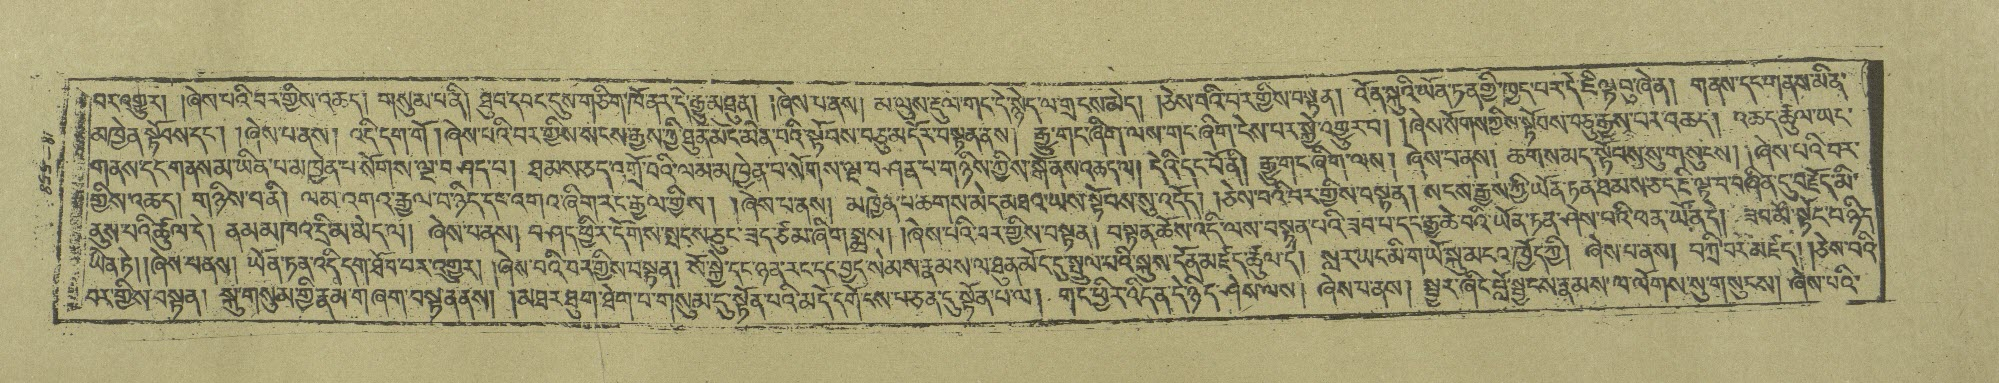བར་འགྱུར། །ཞེས་པའི་བར་གྱིས་འཆད། གསུམ་པ་ནི། ཐུབ་དབང་དུས་གཅིག་ཁོ་ནར་དེ་རྒྱུ་མཐུན། །ཞེས་པ་ནས། མ་ལུས་རྡུལ་གང་དེ་སྙེད་ལ་གྲངས་མེད། །ཅེས་པའི་བར་གྱིས་བསྟན། འོ་ན་སྐུའི་ཡོན་ཏན་གྱི་ཁྱད་པར་དེ་ཇི་ལྟ་བུ་ཞེ་ན། གནས་དང་གནས་མིན་
མཁྱེན་སྟོབས་དང་། །ཞེས་པ་ནས། འདི་དག་གོ །ཞེས་པའི་བར་གྱིས་སངས་རྒྱས་ཀྱི་ཐུན་མོང་མིན་པའི་སྟོབས་བཅུ་མདོར་བསྟན་ནས། རྒྱུ་གང་ཞིག་ལས་གང་ཞིག་ངེས་པར་སྐྱེ་འགྱུར་བ། །ཞེས་སོགས་ཀྱིས་སྟོབས་བཅུ་རྒྱས་པར་འཆད། འཆད་ཚུལ་ཡང་
གནས་དང་གནས་མ་ཡིན་པ་མཁྱེན་པ་སོགས་ལྔ་བཤད་པ། ཐམས་ཅད་འགྲོ་བའི་ལམ་མཁྱེན་པ་སོགས་ལྔ་བཤད་པ་གཉིས་ཀྱིས་སྒོ་ནས་འཆད་ལ། དེའི་དང་པོ་ནི། རྒྱུ་གང་ཞིག་ལས། ཞེས་པ་ནས། ཆགས་མེད་སྟོབས་སུ་གསུངས། །ཞེས་པའི་བར་
གྱིས་འཆད། གཉིས་པ་ནི། ལམ་འགའ་རྒྱལ་བ་ཉིད་དང་འགའ་ཞིག་རང་རྒྱལ་གྱིས། །ཞེས་པ་ནས། མཁྱེན་པ་ཆགས་མེད་མཐའ་ཡས་སྟོབས་སུ་འདོད། །ཅེས་པའི་བར་གྱིས་བསྟན། སངས་རྒྱས་ཀྱི་ཡོན་ཏན་ཐམས་ཅད་ཇི་ལྟ་བ་བཞིན་དུ་བརྗོད་མི་
ནུས་པའི་ཚུལ་དེ། ནམ་མཁའ་དྲི་མ་མེད་ལ། ཞེས་པ་ནས། བཤད་ཕྱིར་དོགས་སྤངས་ཅུང་ཟད་ཙམ་ཞིག་སྨྲས། །ཞེས་པའི་བར་གྱིས་བསྟན། བསྟན་ཆོས་འདི་ལས་བསྟན་པའི་ཟབ་པ་དང་རྒྱ་ཆེ་བའི་ཡོན་ཏན་ཤེས་ཕན་ཡོན་དེ། ཟབ་མོ་སྟོང་བ་ཉིད་
ཡིན་ཏེ། །ཞེས་པ་ནས། ཡོན་ཏན་འདི་དག་ཐོབ་པར་འགྱུར། །ཞེས་པའི་བར་གྱིས་བསྟན། སོ་སྐྱེ་དང་ཉན་རང་དང་བྱང་སེམས་རྣམས་ལ་ཐུན་མོང་དུ་སྤྲུལ་པའི་སྐུས་དོན་མཛད་ཚུལ་དེ། སླར་ཡང་མི་གཡོ་སྐུ་མངའ་ཁྱོད་ཀྱི། ཞེས་པ་ནས། བཀྲི་བར་མཛད། །ཅེས་པའི་
བར་གྱིས་བསྟན། སྐུ་གསུམ་གྱི་རྣམ་གཞག་བསྟན་ནས། །མཐར་ཐུག་ཐེག་པ་གསུམ་དུ་སྟོན་པའི་མདོ་དགོངས་པ་ཅན་དུ་སྟོན་པ་ལ། གང་ཕྱིར་འདི་ན་དེ་ཉིད་ཤེས་ལས། ཞེས་པ་ནས། སྦྱར་ཞིང་བློ་སྦྱངས་རྣམས་ལ་ལོགས་སུ་གསུངས། ཞེས་པའི་